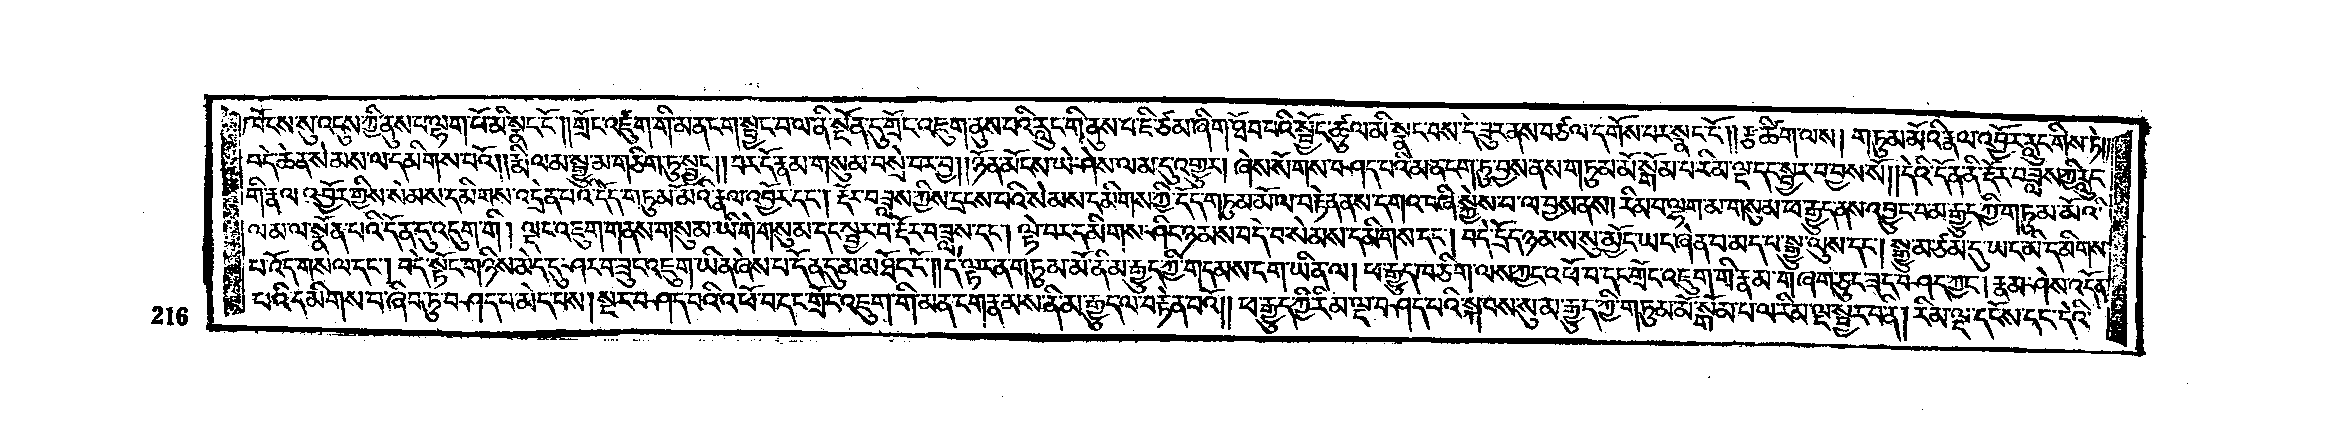ཁོངས་སུ་འདུས་ཀྱི་ནུས་པ་ལྷག་པོ་མི་སྣང་ངོ། །གྲོང་འཇུག་གི་མན་ངག་སྦྱང་བ་ལ་ནི་སྔོན་དུ་གྲོང་འཇུག་ནུས་པའི་རླུང་གི་ནུས་པ་ཇི་ཙམ་ཞིག་ཐོབ་པའི་སྦྱོང་ཚུལ་མི་སྣང་བས་དེ་ཟུར་ནས་བཙལ་དགོས་པར་སྣང་ངོ། །རྩ་ཚིག་ལས། གཏུམ་མོའི་རྣལ་འབྱོར་རླུང་གིས་ཏེ། །
བདེ་ཆེན་སེམས་ལ་དམིགས་པའོ། །རྨི་ལམ་སྒྱུ་མ་གཅིག་ཏུ་སྦྱང་། །བར་དོ་རྣམ་གསུམ་བསྲེ་བར་བྱ། །ཉོན་མོངས་ཡེ་ཤེས་ལམ་དུ་འགྱུར། ཞེས་སོགས་བཤད་པའི་མན་ངག་ཏུ་བྱས་ནས་གཏུམ་མོ་སྒོམ་པ་རིམ་ལྔ་དང་སྦྱར་བ་བྱས་སོ། །དེའི་དོན་ནི་རྡོར་བཟླས་ཀྱི་རླུང་
གི་རྣལ་འབྱོར་གྱིས་སེམས་དམིགས་འདྲེན་པའི་དོད་གཏུམ་མོའི་རྣལ་འབྱོར་དང་། རྡོར་བཟླས་ཀྱིས་དྲངས་པའི་སེམས་དམིགས་ཀྱི་དོད་གཏུམ་མོ་ལ་བརྟེན་ནས་དགའ་བཞི་སྐྱེས་པ་ལ་བྱས་ནས། རིམ་པ་ལྷག་མ་གསུམ་ཕ་རྒྱུད་ནས་འབྱུང་བ་མ་རྒྱུད་ཀྱི་གཏུམ་མོའི་
ལམ་ལ་སྣོན་པའི་དོན་དུ་འདུག་གི། ལྡང་འཇུག་གནས་གསུམ་ཡི་གེ་གསུམ་དང་སྦྱར་བ་རྡོར་བཟླས་དང་། ལྟེ་བར་དམིགས་ཤིང་ཉམས་བདེ་བ་སེམས་དམིགས་དང་། བདེ་དྲོད་ཉམས་སུ་མྱོང་ཡང་ཞེན་པ་མད་པ་སྒྱུ་ལུས་དང་། སྒྱུ་མ་ཙམ་དུ་ཡང་མི་དམིགས་
པ་འོད་གསལ་དང་། བདེ་སྟོང་གཉིས་མེད་དུ་ཤར་བ་ཟུང་འཇུག་ཡིན་ཞེས་པ་དོན་དུ་མ་མཐོང་ངོ། །དེ་ལྟར་ན་གཏུམ་མོ་ནི་མ་རྒྱུད་ཀྱི་གདམས་ངག་ཡིན་ལ། ཕ་རྒྱུད་ཁ་ཅིག་ལས་ཀྱང་འཕོ་བ་དང་གྲོང་འཇུག་གི་རྣམ་གཞག་ཅུང་ཟད་བཤད་ཀྱང་། རྣམ་ཤེས་འདོན་
པའི་དམིགས་བ་ཞིབ་ཏུ་བཤད་པ་མེད་པས། སྔར་བཤད་པའི་འཕོ་བ་དང་གྲོང་འཇུག་གི་མན་ངག་རྣམས་ནི་མ་རྒྱུད་ལ་བརྟེན་པའོ། །ཕ་རྒྱུད་ཀྱི་རིམ་ལྔ་བཤད་པའི་སྐབས་སུ་མ་རྒྱུད་ཀྱི་གཏུམ་མོ་སྒོམ་པ་ལ་རིམ་ལྔ་སྦྱར་བ་ནི། རིམ་ལྔ་དངོས་དང་དེའི་